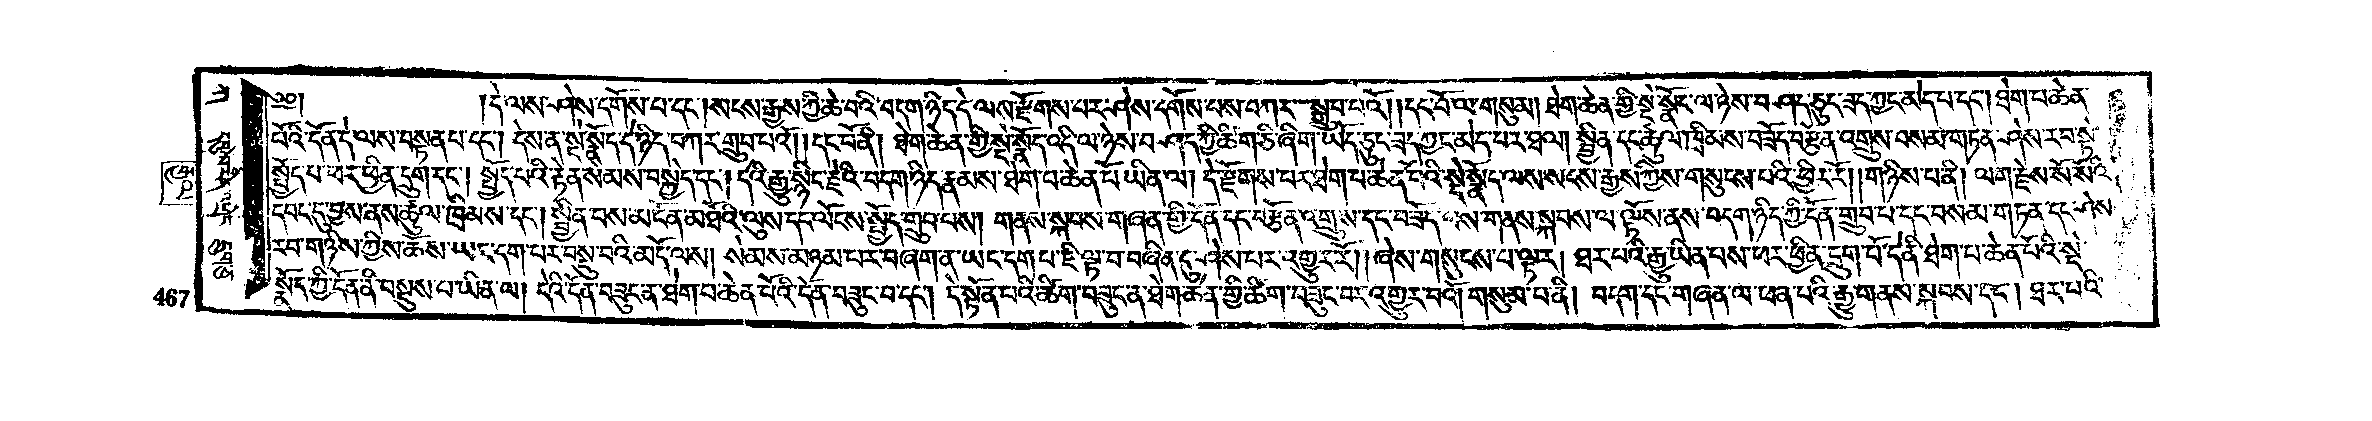༄༅། །དེ་ལས་ཤེས་དགོས་པ་དང་། སངས་རྒྱས་ཀྱི་ཆེ་བའི་བདག་ཉིད་དེ་ལས་རྫོགས་པར་ཤེས་དགོས་པས་བཀར་སྒྲུབ་པའོ། །དང་པོ་ལ་གསུམ། ཐེག་ཆེན་གྱི་སྡེ་སྣོད་ལ་ཉེས་བཤད་ཅུང་ཟད་ཀྱང་མེད་པ་དང་། ཐེག་པ་ཆེན་
པོའི་དོན་དེ་ལས་བསྟན་པ་དང་། དེས་ན་སྡེ་སྣོད་དེ་ཉིད་བཀར་གྲུབ་པའོ། །དང་པོ་ནི། ཐེག་ཆེན་གྱི་སྡེ་སྣོད་འདི་ལ་ཉེས་བཤད་ཀྱི་ཚིག་ཅི་ཞིག་ཡོད་ཅུང་ཟད་ཀྱང་མེད་པར་ཐལ། སྦྱིན་དང་ཚུལ་ཁྲིམས་བཟོད་བརྩོན་འགྲུས་བསམ་གཏན་ཤེས་རབ་སྟེ་
སྤྱོད་པ་ཕར་ཕྱིན་དྲུག་དང་། སྤྱོད་པའི་རྟེན་སེམས་བསྐྱེད་དང་། དེའི་རྒྱུ་སྙིང་རྗེའི་བདག་ཉིད་རྣམས་ཐེག་པ་ཆེན་པོ་ཡིན་ལ། དེ་རྫོགས་པར་ཐེག་པ་ཆེན་པོའི་སྡེ་སྣོད་ལས་སངས་རྒྱས་ཀྱིས་གསུངས་པའི་ཕྱིར་རོ། །གཉིས་པ་ནི། ལག་རྗེས་སོ་སོའི་
དབང་དུ་བྱས་ནས་ཚུལ་ཁྲིམས་དང་། སྦྱིན་པས་མངོན་མཐོའི་ལུས་དང་ལོངས་སྤྱོད་གྲུབ་པས། གནས་སྐབས་གཞན་གྱི་དོན་དང་བརྩོན་འགྲུས་དང་བཟོད་པས་གནས་སྐབས་ལ་ལྟོས་ནས་བདག་ཉིད་ཀྱི་དོན་གྲུབ་པ་དང་བསམ་གཏན་དང་ཤེས་
རབ་གཉིས་ཀྱིས་ཆོས་ཡང་དག་པར་བསྡུ་བའི་མདོ་ལས། སེམས་མཉམ་པར་བཞག་ན་ཡང་དག་པ་ཇི་ལྟ་བ་བཞིན་དུ་ཤེས་པར་འགྱུར་རོ། །ཞེས་གསུངས་པ་ལྟར། ཐར་པའི་རྒྱུ་ཡིན་པས་ཕར་ཕྱིན་དྲུག་པོ་དེ་ནི་ཐེག་པ་ཆེན་པོའི་སྡེ་
སྣོད་ཀྱི་དོན་ནི་བསྡུས་པ་ཡིན་ལ། དེའི་དོན་བཟུང་ན་ཐེག་པ་ཆེན་པོའི་དོན་བཟུང་བ་དང་། དེ་སྟོན་པའི་ཚིག་བཟུང་ན་ཐེག་ཆེན་གྱི་ཚིག་བཟུང་བར་འགྱུར་བའོ། གསུམ་པ་ནི། བདག་དང་གཞན་ལ་ཕན་པའི་རྒྱུ་གནས་སྐབས་དང་། ཐར་པའི་